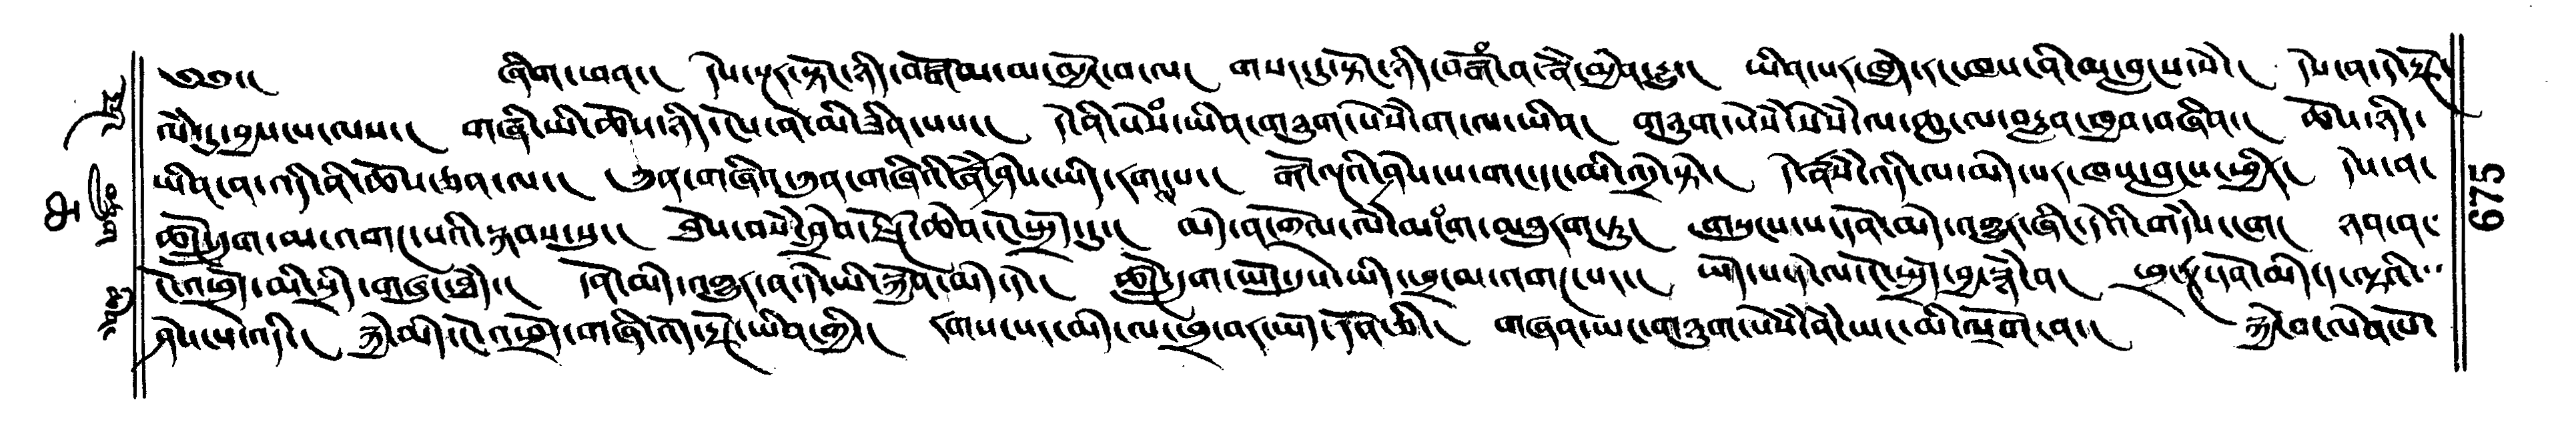ཞིག་ཕན། །དེས་སྔར་སྟོང་ཉིད་བསྒོམ་མ་མྱོང་བ་ལ། །གསར་དུ་སྟོང་ཉིད་བསྒོམ་ན་རྣམ་མཁྱེན་རྒྱུ། །ཡིན་པར་ཁྱེད་རང་ཁས་ནི་མ་བླངས་སམ། །དེས་ན་དེ་རྟོགས་
ལམ་དུ་བྱས་པ་ལས། །གཞི་ཡི་ཆོས་ཉིད་ངོས་ནི་མི་ཟིན་པས། །དེ་ནི་སེམས་ཡིན་གཉུག་སེམས་ག་ལ་ཡིན། །གཉུག་སེམས་སེམས་ལ་ཆུ་ལ་བརླན་ཁྱབ་བཞིན། །ཆོས་ཉིད་
ཡིན་ན་འདི་ནི་ཆོས་ཅན་ལ། །ཀུན་གཞི་ཀུན་གཞིའི་རྣམ་ཤེས་ཡིད་རགས་པ། །སྒོ་ལྔའི་ཤེས་པ་གང་དང་མི་འདྲེས་སྟེ། །དེ་རྣམས་འདི་ལ་མེད་པར་ཁས་བླངས་ཕྱིར། །དེས་ན་
ཚོགས་དྲུག་མ་འགགས་པའི་སྐབས་སུ། །ཐོས་བསམ་ཤེས་རབ་རྫོགས་ཆེན་ངོ་སྤྲོད་དུ། །མེད་ན་གྲོལ་ལམ་མན་ངག་མཐར་ཐུག་ཏུ། །གསུངས་པ་དོན་མེད་འགྱུར་ཞིང་དེའི་གམས་ང་གཉན་ན་
ངོ་འཕྲོད་མི་སྲིད་གཞུང་ཐམས་ཅད། །དོན་མེད་འགྱུར་ན་དེ་ཡི་སྐྱོན་མེད་དེ། །ཚོགས་དྲུག་ཡོད་དུས་ཡིད་ཕྲ་མ་འགགས་པར། །ཡོད་པ་དེ་ལ་ངོ་སྤྲོད་བྱ་སྙམ་ན། །ཕྲ་རགས་དོན་མེད་ད་ལྟའི་
ཤེས་པ་འདི། །སྐྱེ་མེད་ངོ་འཕྲོད་གཞི་འོད་རྟོགས་ཡིན་གྱི། །རགས་པར་མེད་ལ་ཕྲ་བར་ཡོད་དོན་ཅི། །གཞན་ཡང་གཉུག་སེམས་ནམ་ཡང་མི་ལྡོག་ན། །སྐྱེ་བ་ལེན་པོ་